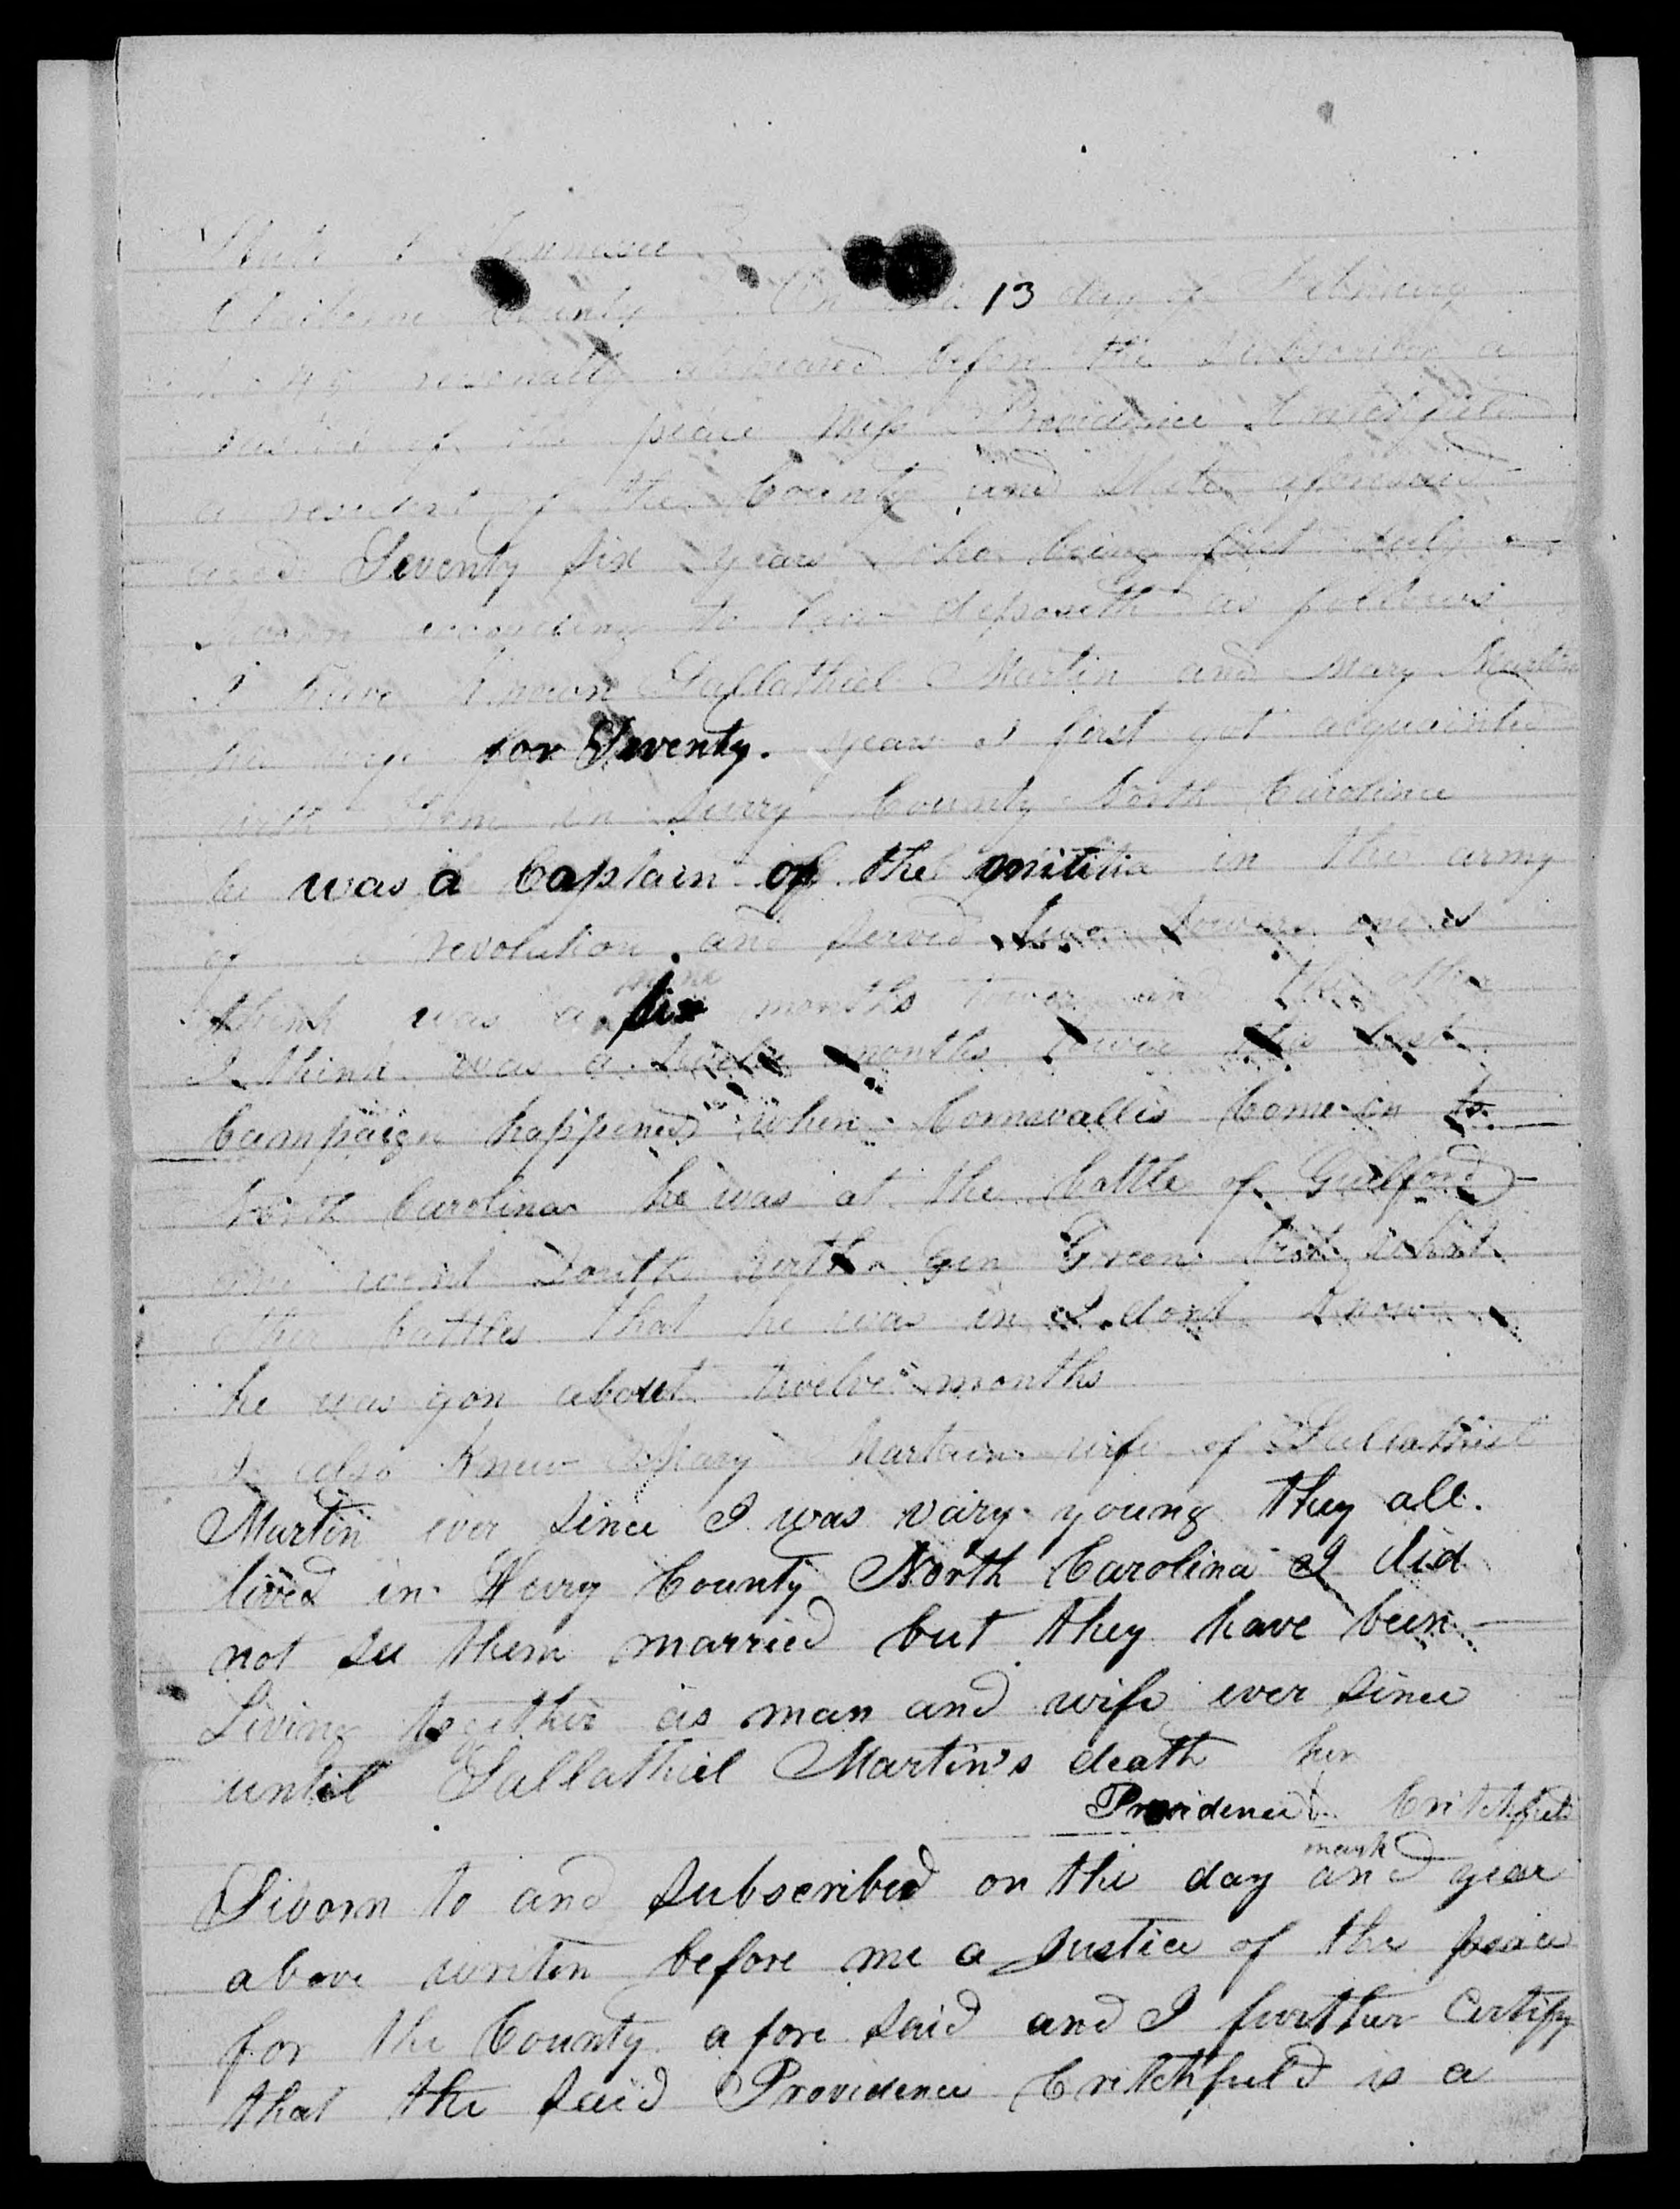State of Tennessee )
Claiborne County   )
On this 13 day of February
[illegible] personally appeared before the subscriber a
Justice of the peace 
Miss [illegible] Providence Critchfield
a resident of the County and State aforesaid
aged Seventy Six years who being first duly 
Sworn according to law deposeth as follows
I have known Sallathiel [Salathiel] Martin and Mary Martin
his wife for Seventy years I first got acquainted
with them in Surry County North Carolina
he was a Captain of the militia in the army
of the revolution and served Seven Tours one I
think was [illegible marks] Six months [illegible]  and the other
I think was a [illegible] months toure {tour] this last
Campaign happened when Cornwallis Came in to
North Carolina he was at the battle of Guilford-
and went South with Gen Green [illegible]
other battles that he was in [illegible] know
he was gon [gone] about twelve months
I also knew Mary Martin wife of Sallathiel [Salathiel]
Martin ever since I was vary [very] young They all
lived in Surry County North Carolina I did
not see them married but they have been
Living together as man and wife ever since
until Sallathiel [Salathiel] Martin's death 
Providence her x mark Critchfield

Sworn to and subscribed on the day and year
above writen [written] before me a Justice of the peace
for the County a fore said and I further certify
that the said Providence Critchfield is a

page: 71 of 120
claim: widow's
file: W. 1044, for Salathiel Martin, North Carolina